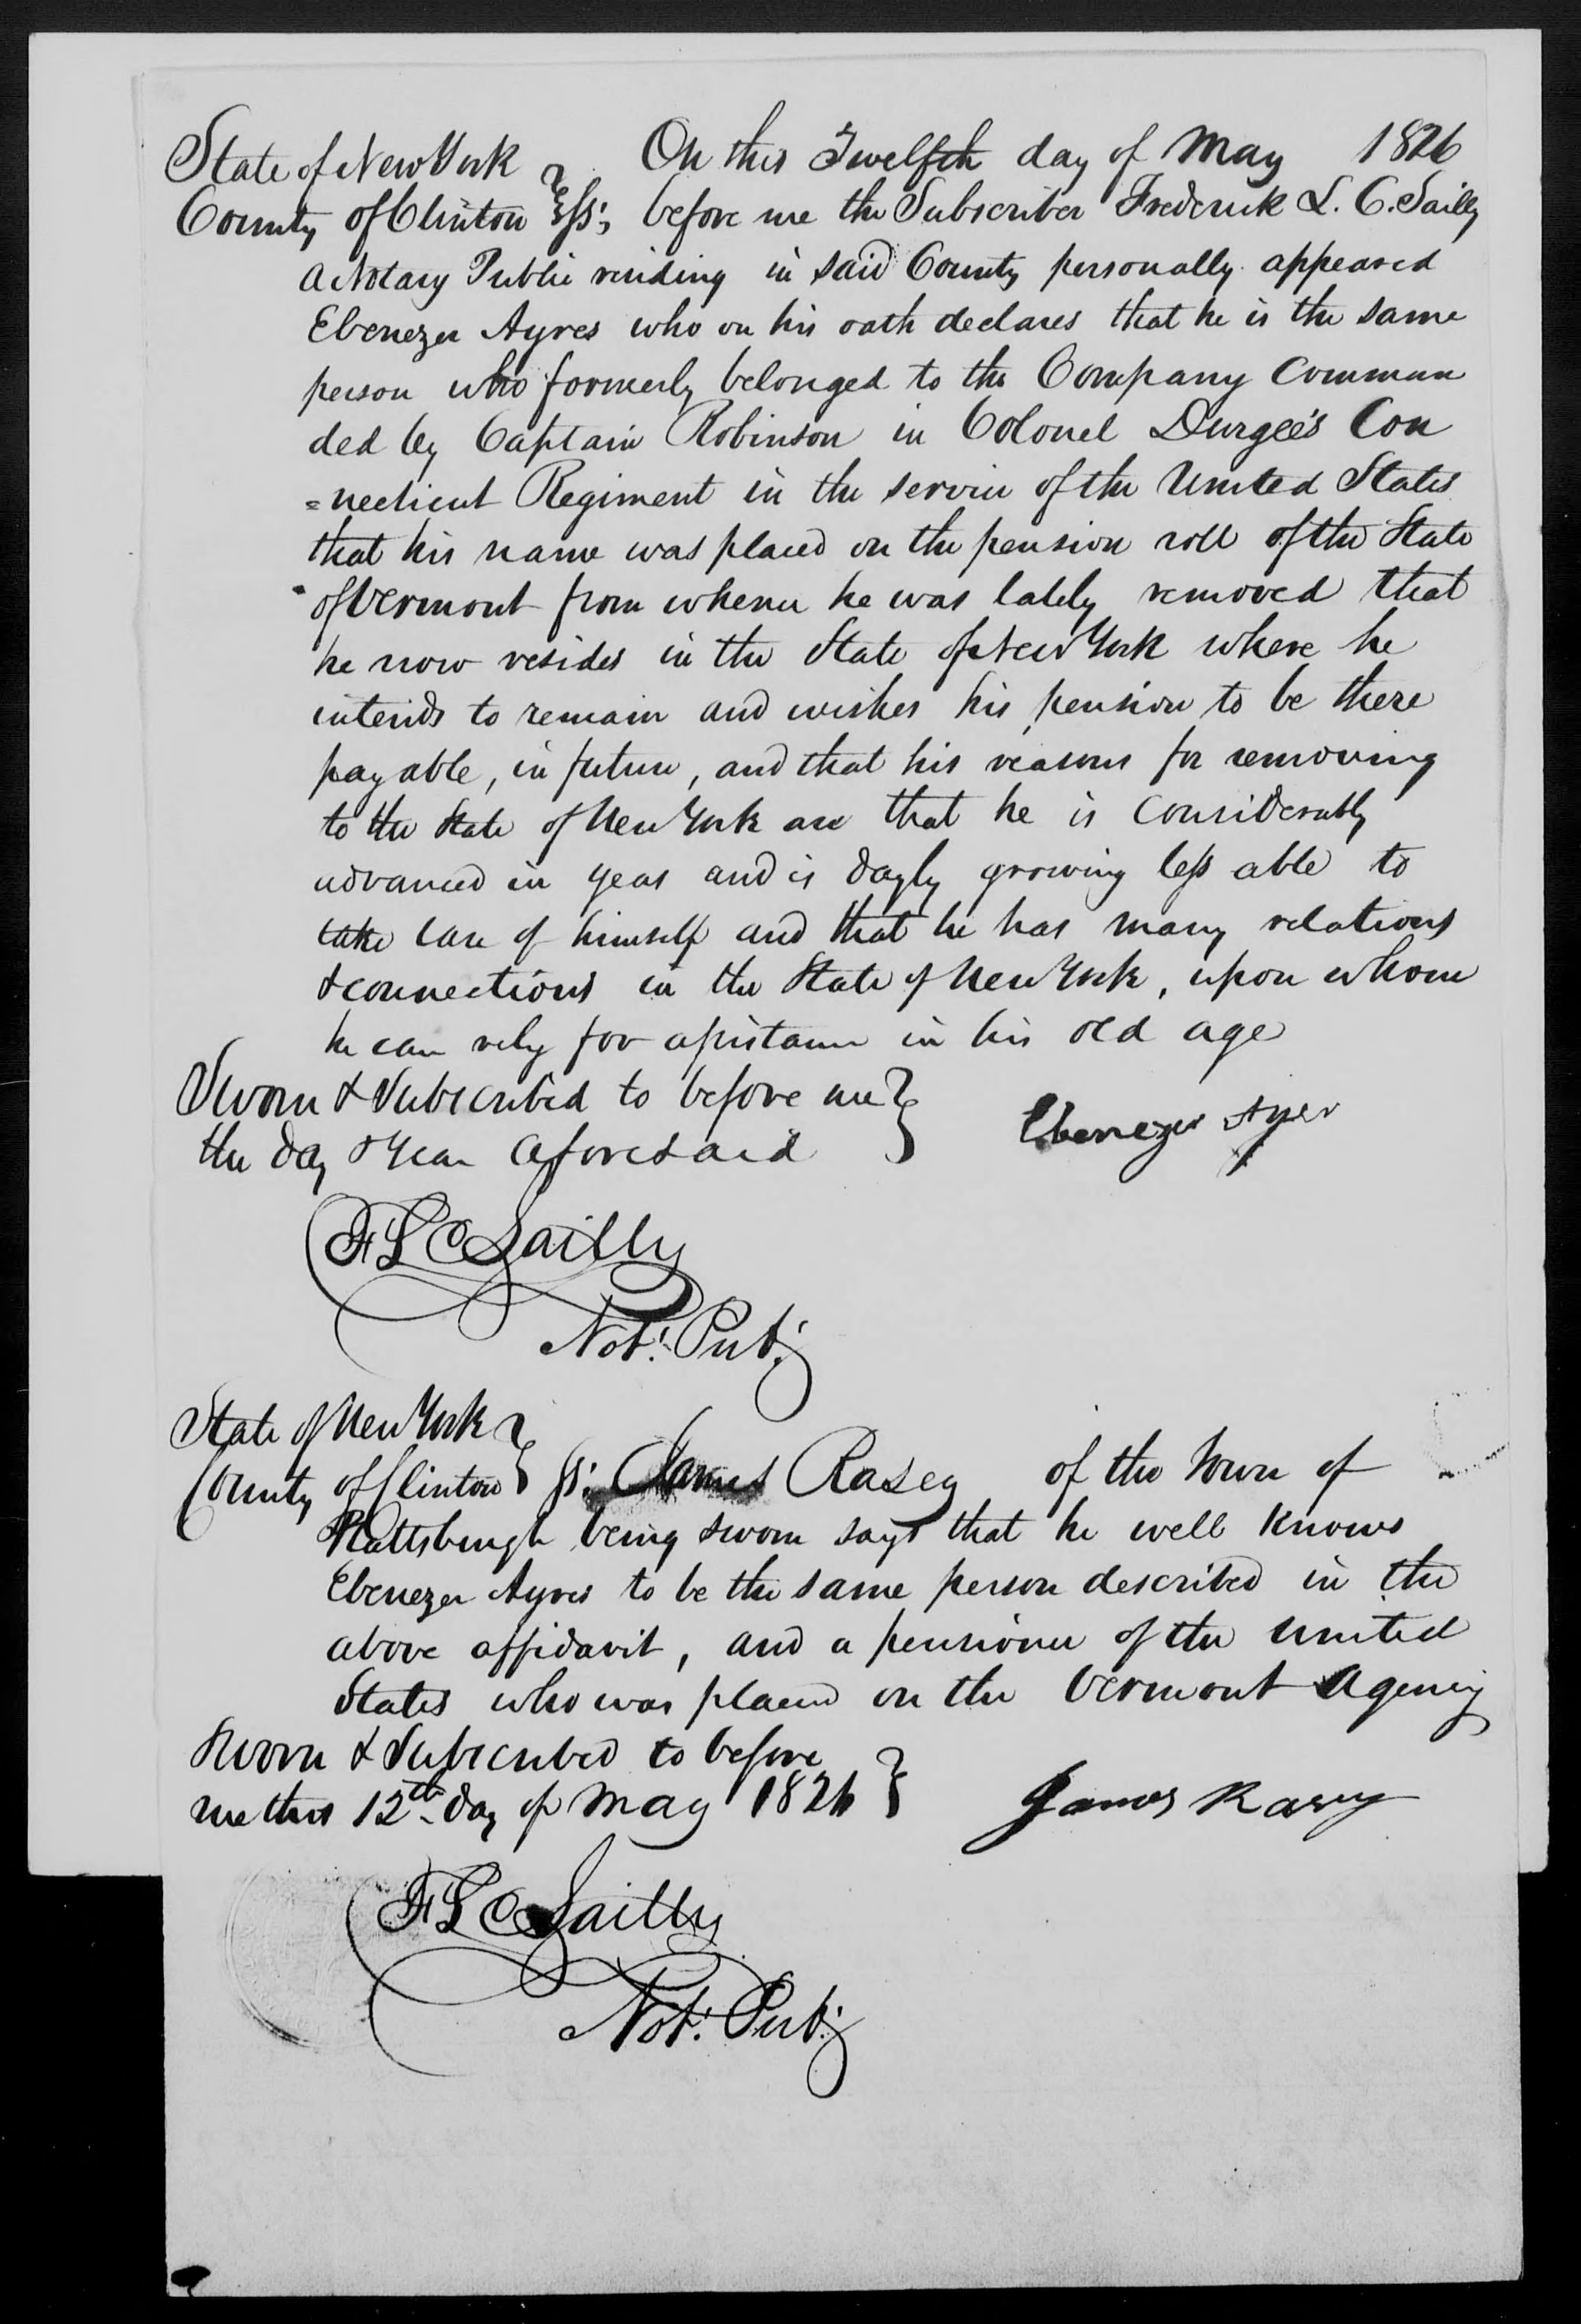State of New York}
County of Clinton} ss.
On this twelfth day of May 1826 before me the Subscriber Frederick L. C. said a Notary Public residing in said County personally appeared Ebenezer Ayres who on his oath declares that he is the same person who formerly belonged to the Company commanded by Captain Robinson in Colonel Durgee's Connecticut Regiment in the service of the United States that his name was placed on the pension roll of the State of Vermont from whence he was lately removed that he now resides in the State of New York where he intends to remain and wishes his pension to be there payable, in future, and that his reasons for removing to the State of New York and that he is considerably advanced in years and is dayly [daily] growing less able to take care of himself and that he has many relations & connections in the State of New York, upon whom he can rely for assistance in his old age
Sworn & Subscribed to before me} 
the day & year aforesaid}
Ebenezer Ayres
F. L. C. Sailly
Not. Pub.
State of New York}
County of Clinton} ss.
I, James Rasey of the Town of Plattsburgh, being sworn says that he well knows Ebenezer Ayres to be the same person described in the above affidavit, and a pensioner of the United States who was placed in the Vermont Agency 
Sworn and Subscribed to before me }
this 12th day of May 1826}
James Ray
F. L. C. Sailly
Not. Pub.
}}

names: F L C Sailly, James Rasey, Ebenezer Ayres, F L C Sailly, Ebenezer Ayres, Ebenezer Ayer, James Rasey, Frederick L C Sailly, Robinson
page: 9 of 50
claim: widow's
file: W. 8559, Ebenezer Ayer, Continental (Conn)